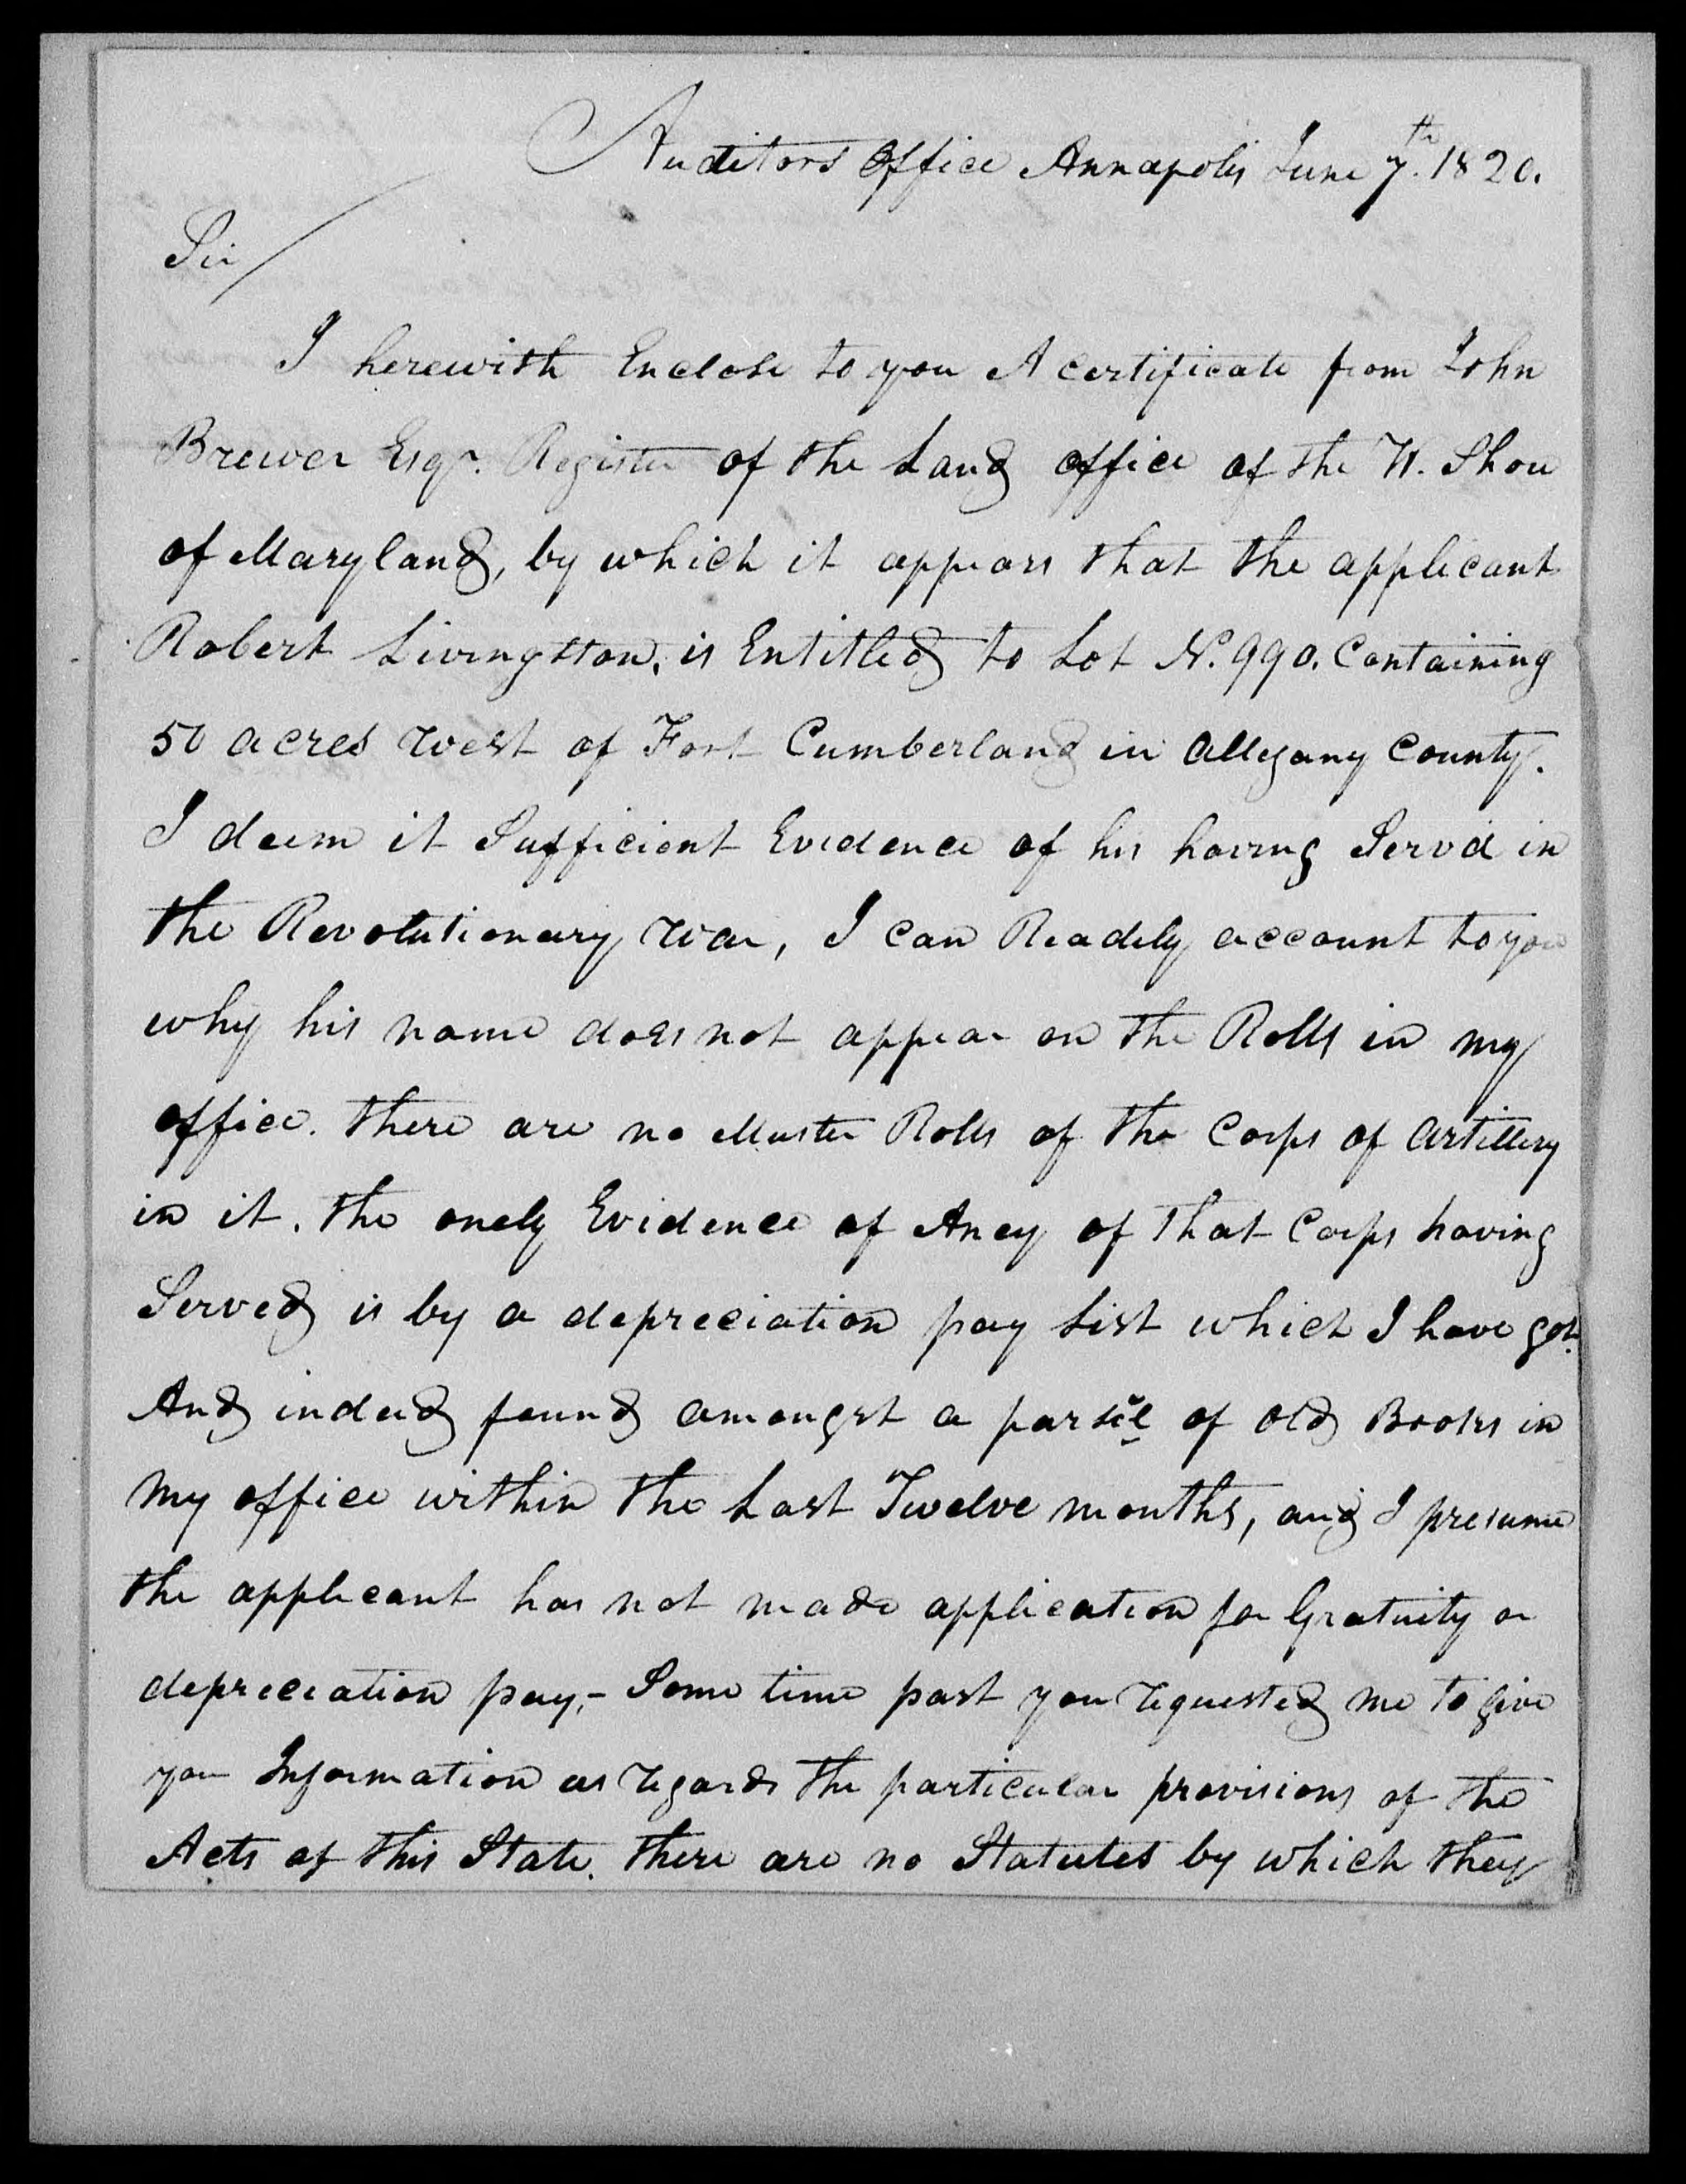Auditor's Office Annapolis, June 7th, 1829

Sir

I herewith enclose to you a certificate from John Brewer Esq Register of the Land office of the W Show of Maryland by which it appears that the applicant Robert Livingston is entitled to Lot N. 990 containing 50 acres west of Fort Cumberland in Allegheny County. I deem it sufficient evidence of his having served in the revolutionary war, I can readily account to you why his name does not appear on the rolls in my office - there are no muster rolls of the Corps of Artillery in it. The only evidence of any of that corps having served is by a depreciation pay list which I have got and indexed found amongst a parcel of old books in my office within the last twelve months - and I presume the applicant has not made application for gratuity on depreciation pay - some time past you requested me to give you information as regards the particular provisions of the acts of this state. There are no statutes by which they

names: John Brewer; Robert Livingston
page: 14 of 23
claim: survivor's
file: S 42874, for Robert Livingston, Maryland